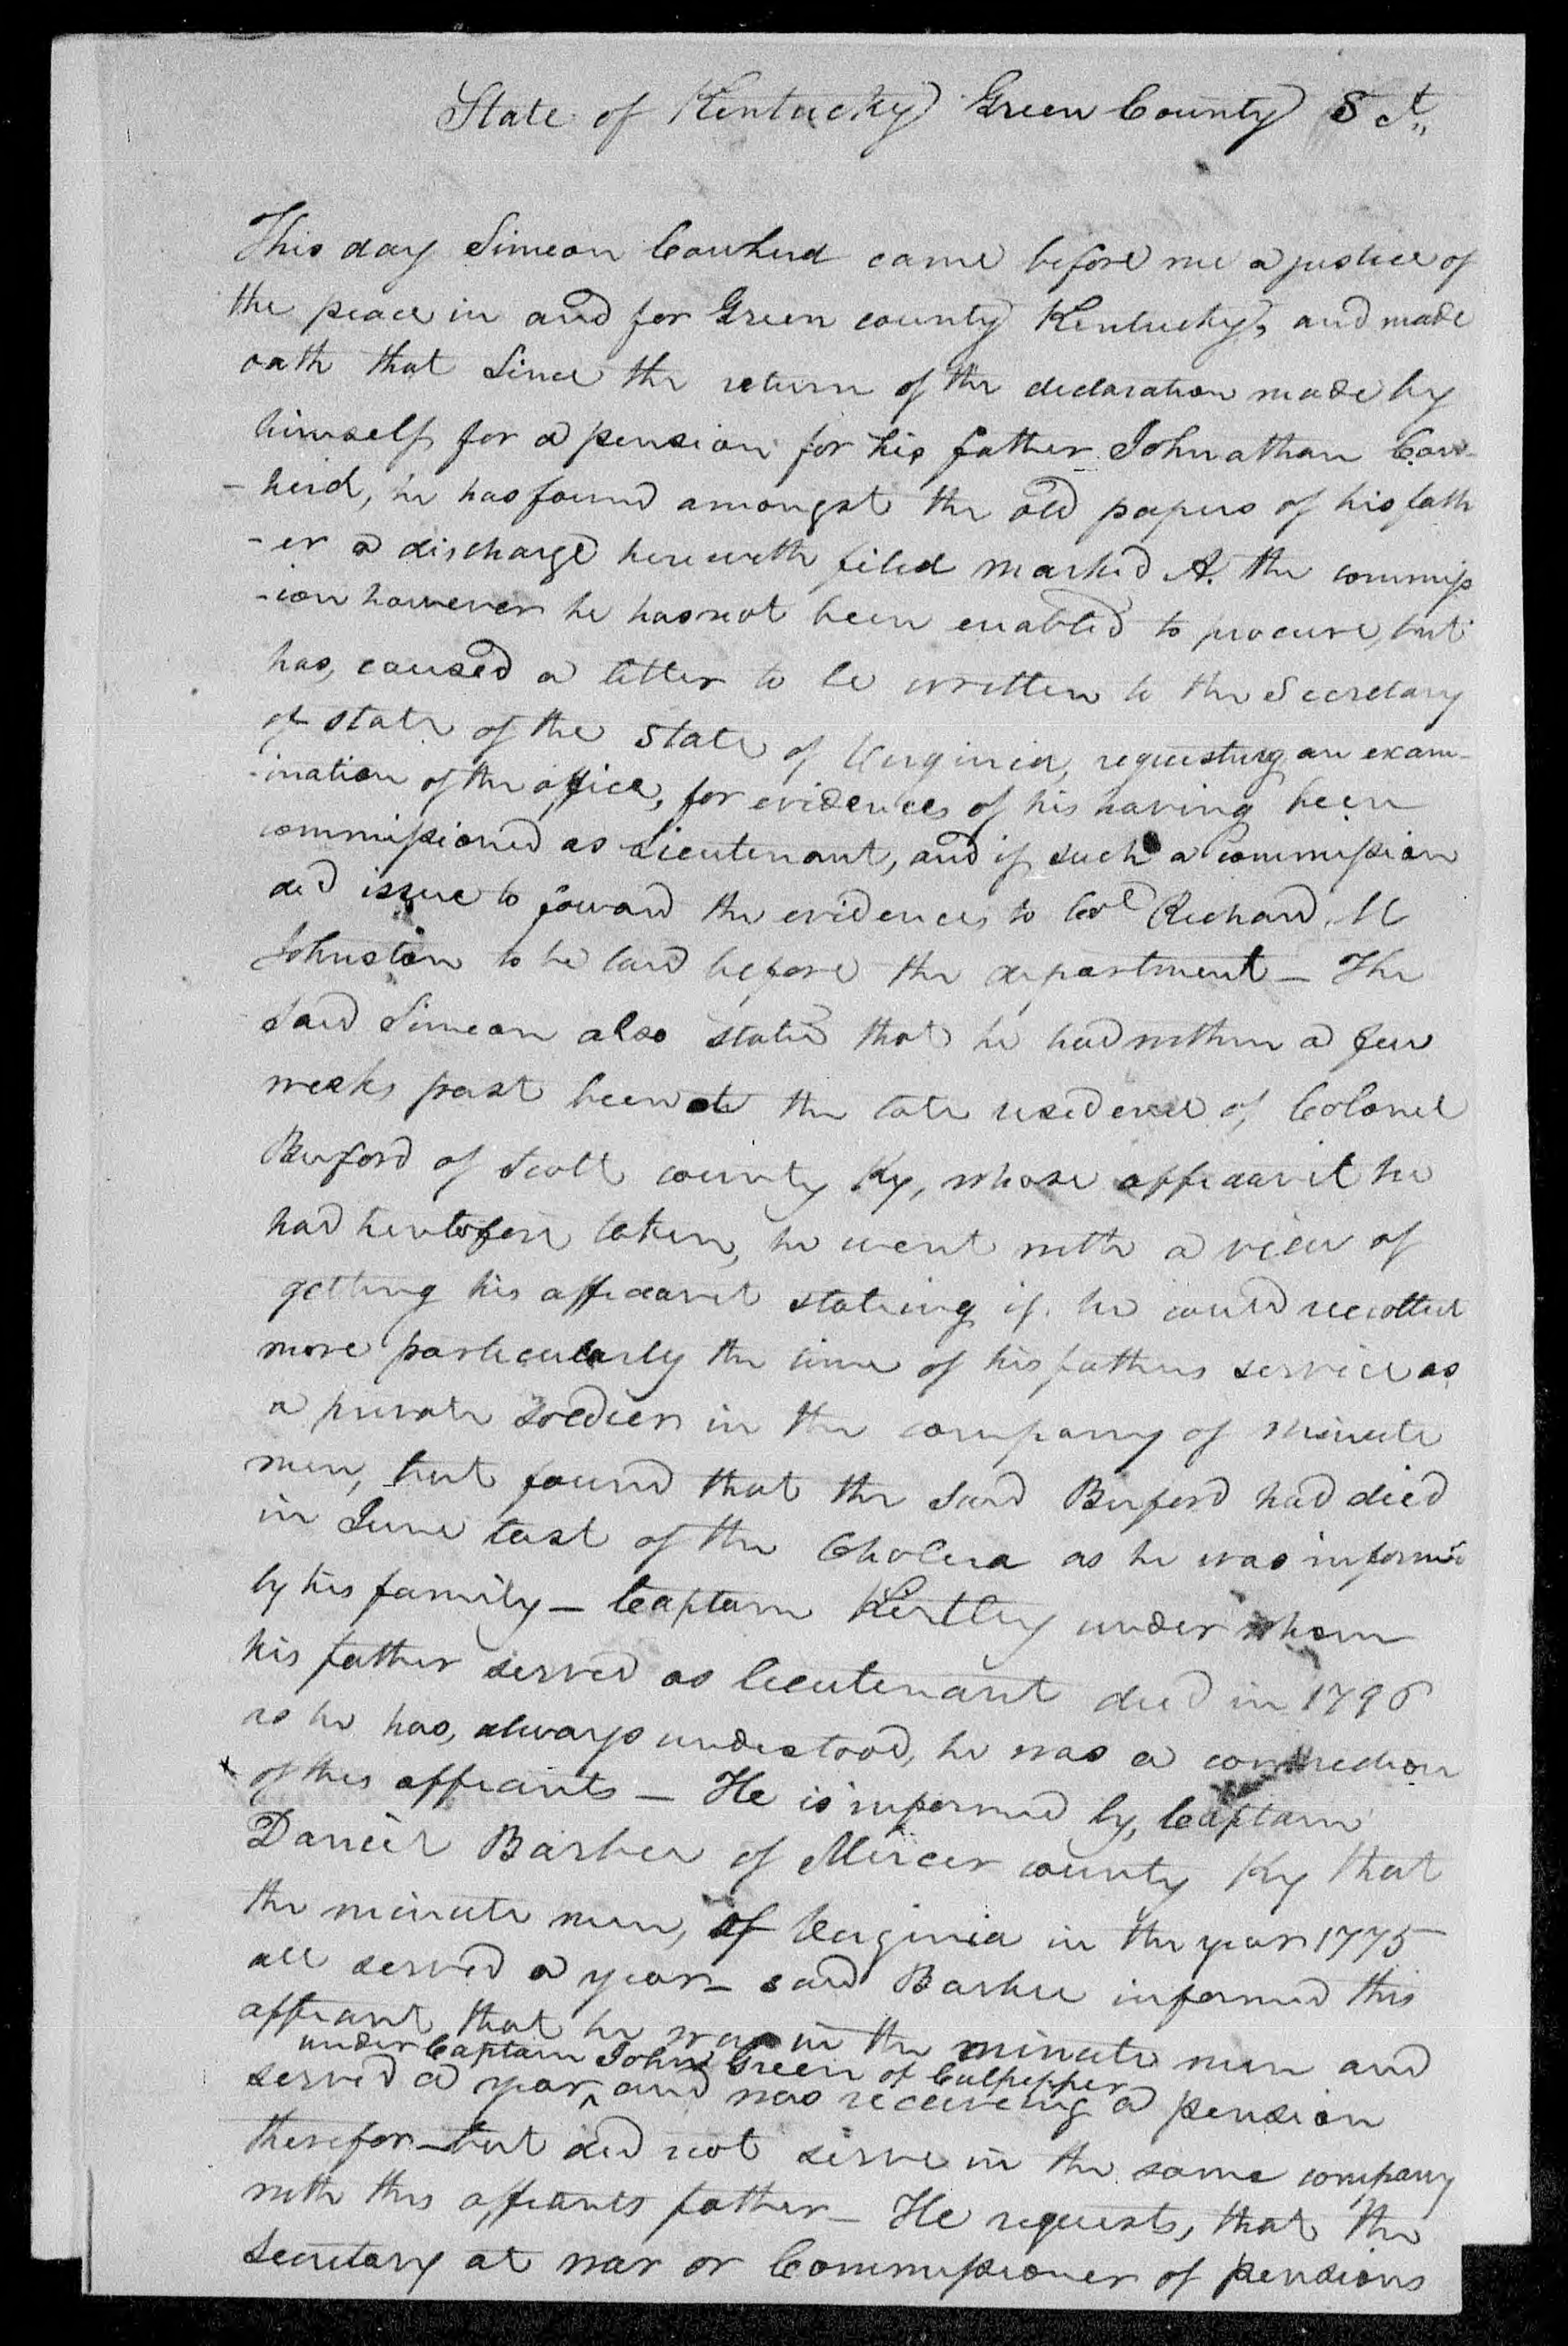State of Kentucky Green County Sct
This day Simeon Cowherd came before me a justice of the peace in and for Green County Kentucky, and made oath that since the return of the declaration made by himself for a pension for his father Johnathan Cowherd, he has found amongst the old papers of his father a discharge herewith filed marked A. the commission however he has not been enabled to procure, but has caused a letter to be written to the Secretary of State of the State of Virginia, requesting an examination of the office, for evidences of his having been
commissioned as Lieutenant, and if such a Commission xxx issue to forward the evidences to Colonel Richard M Johnston to be laid before the department. The said Simeon also stated that he had within a few
weeks past been at the late residence of Colonel Buford of Scott County Ky, whose affidavit he had heretofore taken, he went with a view of getting his affidavit stating if he would recollect more particularly the time of his fathers service as a private soldier in the company of minute men, but found that the said Buford had died in June last of the Cholera as he was informed by his family - Captain Kirtley under whom his father served as lieutenant died in 1790 he has always understood, he was a connection of this affiants - He is informed by Captain
Daniel Barber of Mercer County Ky that the
minute men, of Virginia in the year 1775
all served a year said Barber informed this
affiant, that he was in the minute men and
served a year under Captain John Green of Culpepper and was receiving a pension
therefore but did not serve in the same company with this affiants father. He requests, that the Secretary at War or Commissioner of Pensions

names: John Green, Daniel Barbee, Johnathan Cowherd, Kirtley, Buford, Buford, Barbee, Richard M Johnston, Simeon Cowherd, Simeon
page: 45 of 46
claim: widow's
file: W 8619, Jonathan Cowherd, Va.